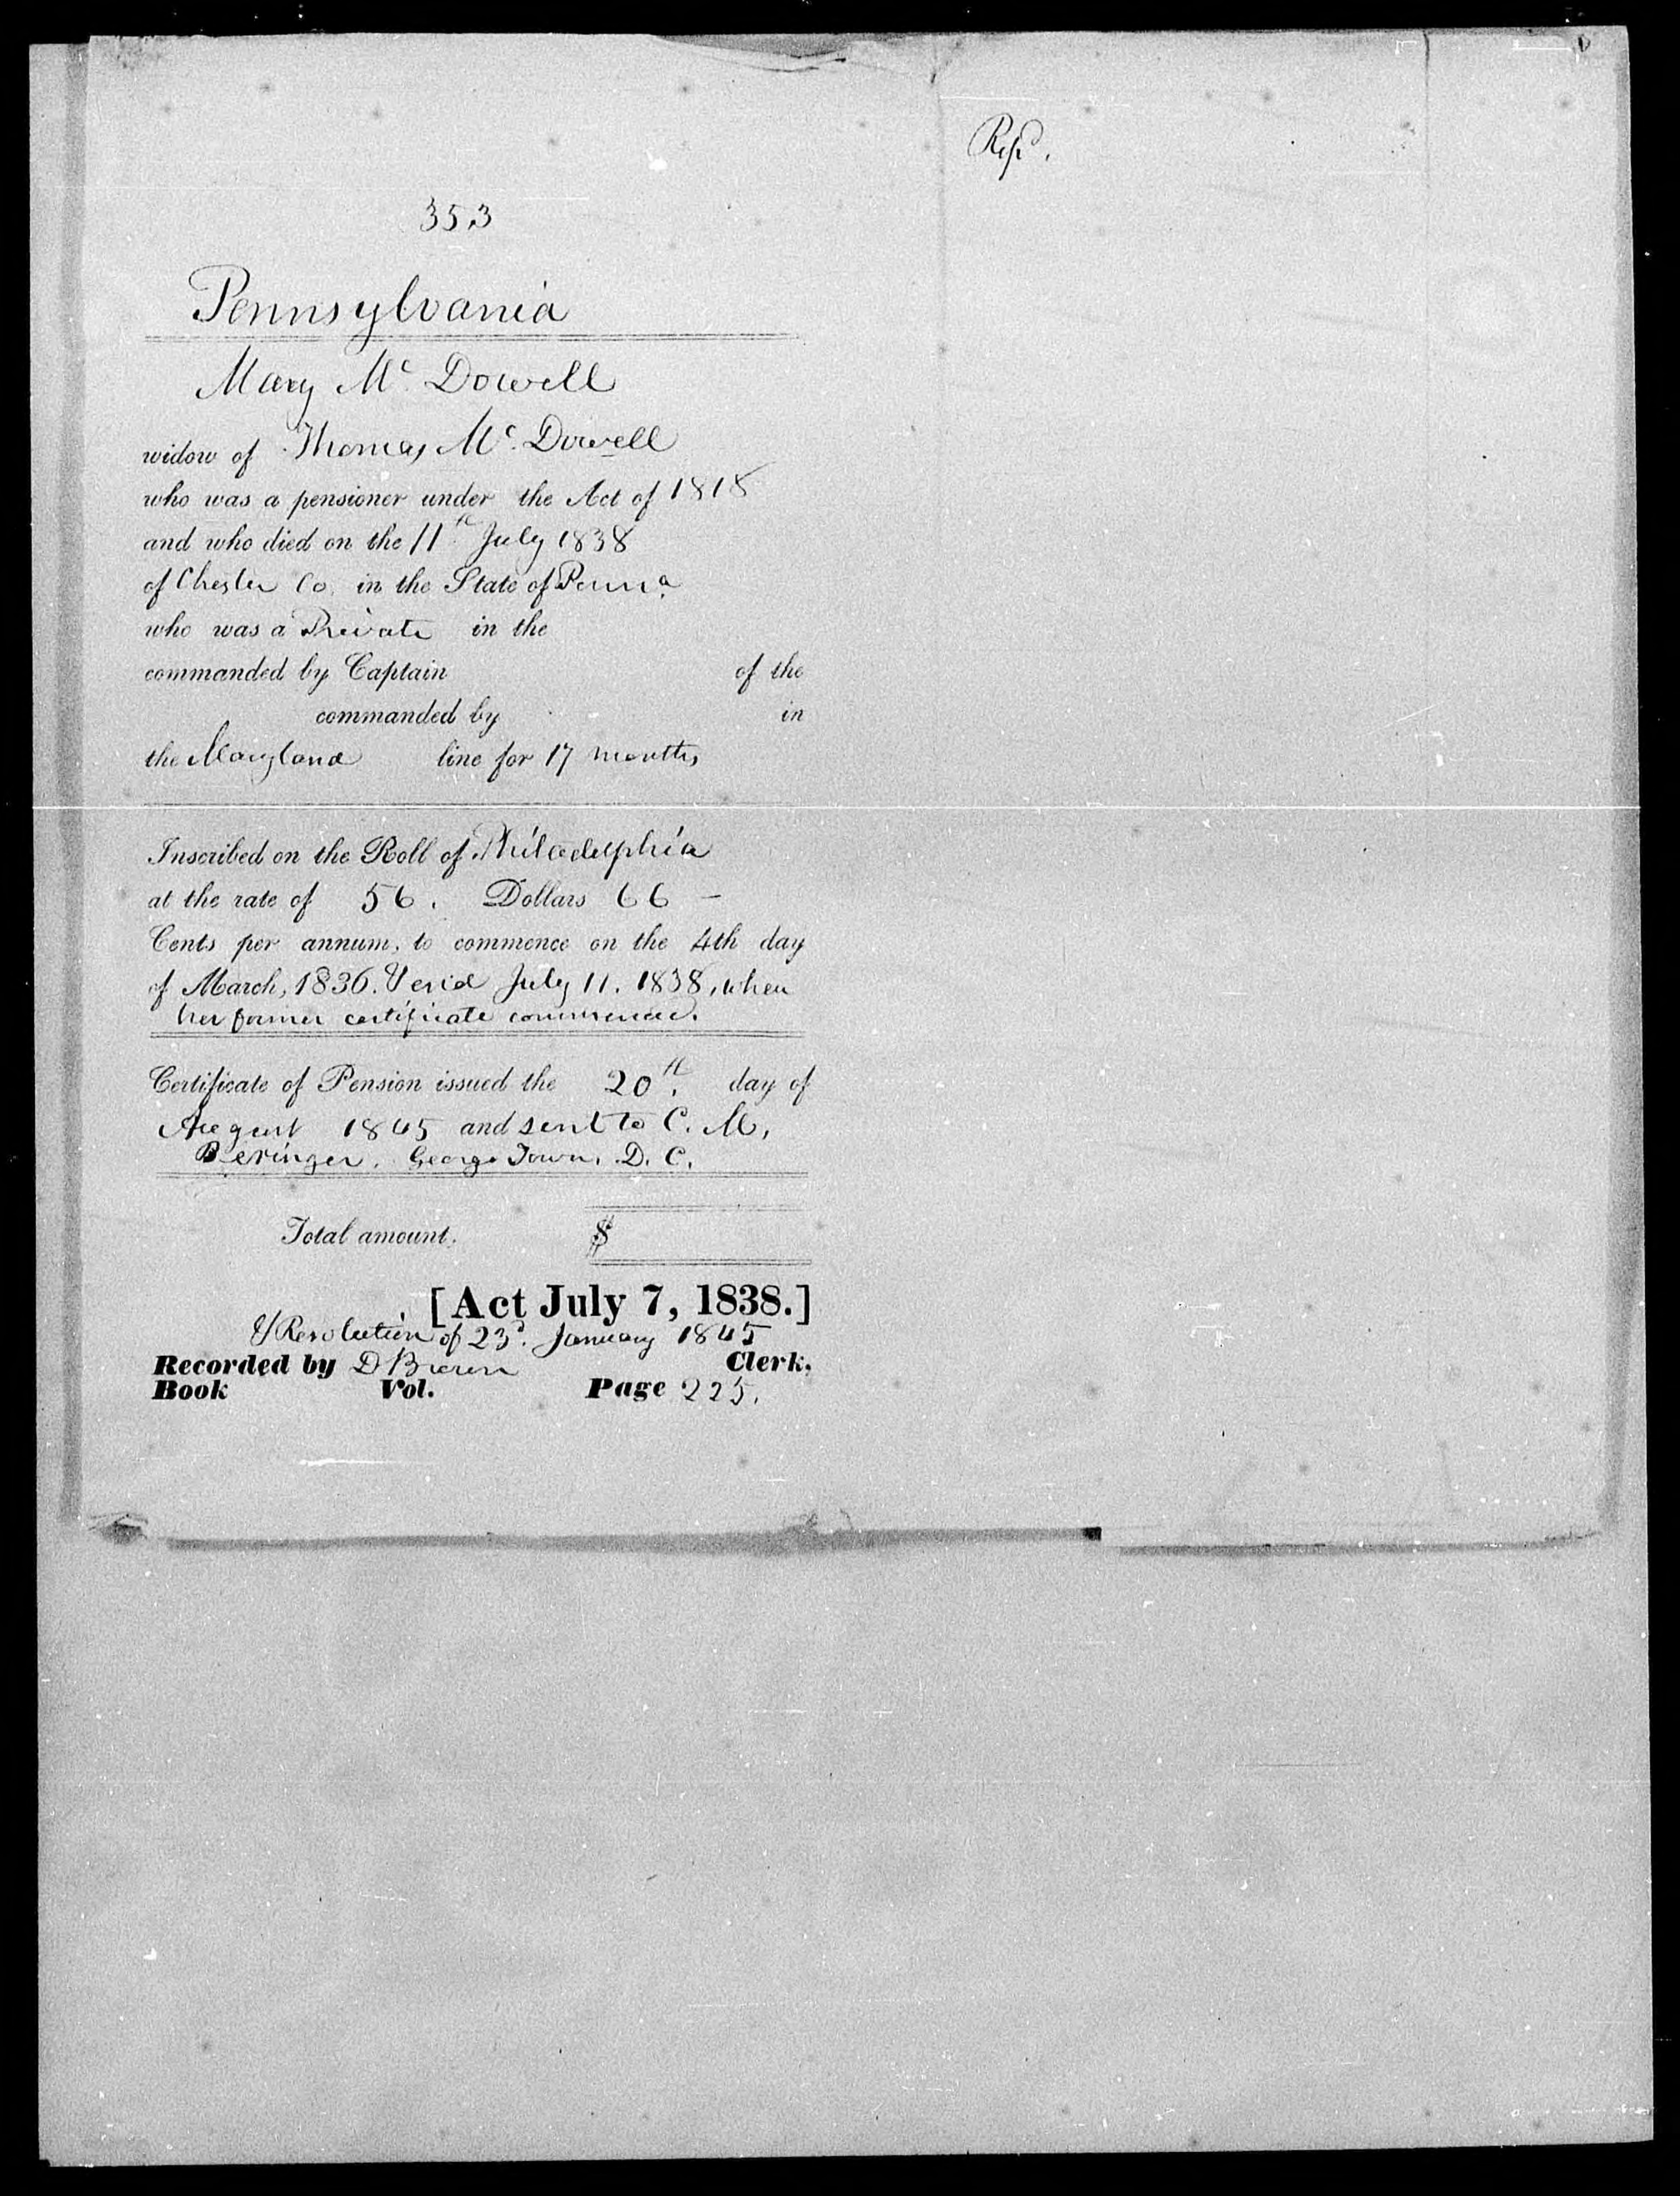Rifi.[?]

353

Pennsylvania

Mary McDowell widow of Thomas McDowell who was a pensioner under the Act of 1818 and who died on the 11th July 1838 of Chester Co. in the State of Penna, who was a Private in the [blank] commanded by Captain [blank] of the [blank] commanded by [blank] in the Maryland line for 17 months

Inscribed on the Roll of Philadelphia at the rate of 56 Dollars 66 Cents per annum, to commence on the 4th day of March, 1836. & end July 11. 1838, when her former certificate commenced.

Certificate of Pension issued the 20th day of August 1845 and sent to C.M. Deringer. George Town, D.C.

Total amount. $

[start bracket] Act July 7, 1838. [end bracket]
& Resolution of 23d. January 1845
Recorded by D Brown Clerk,
Book [blank] Vol. [blank] Page 225.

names: Thomas Mc Dowell; C M Deringer; D Brown; Mary Mc Dowell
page: 59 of 63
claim: widow's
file: W 2957, for Thomas Mc Dowell, Maryland